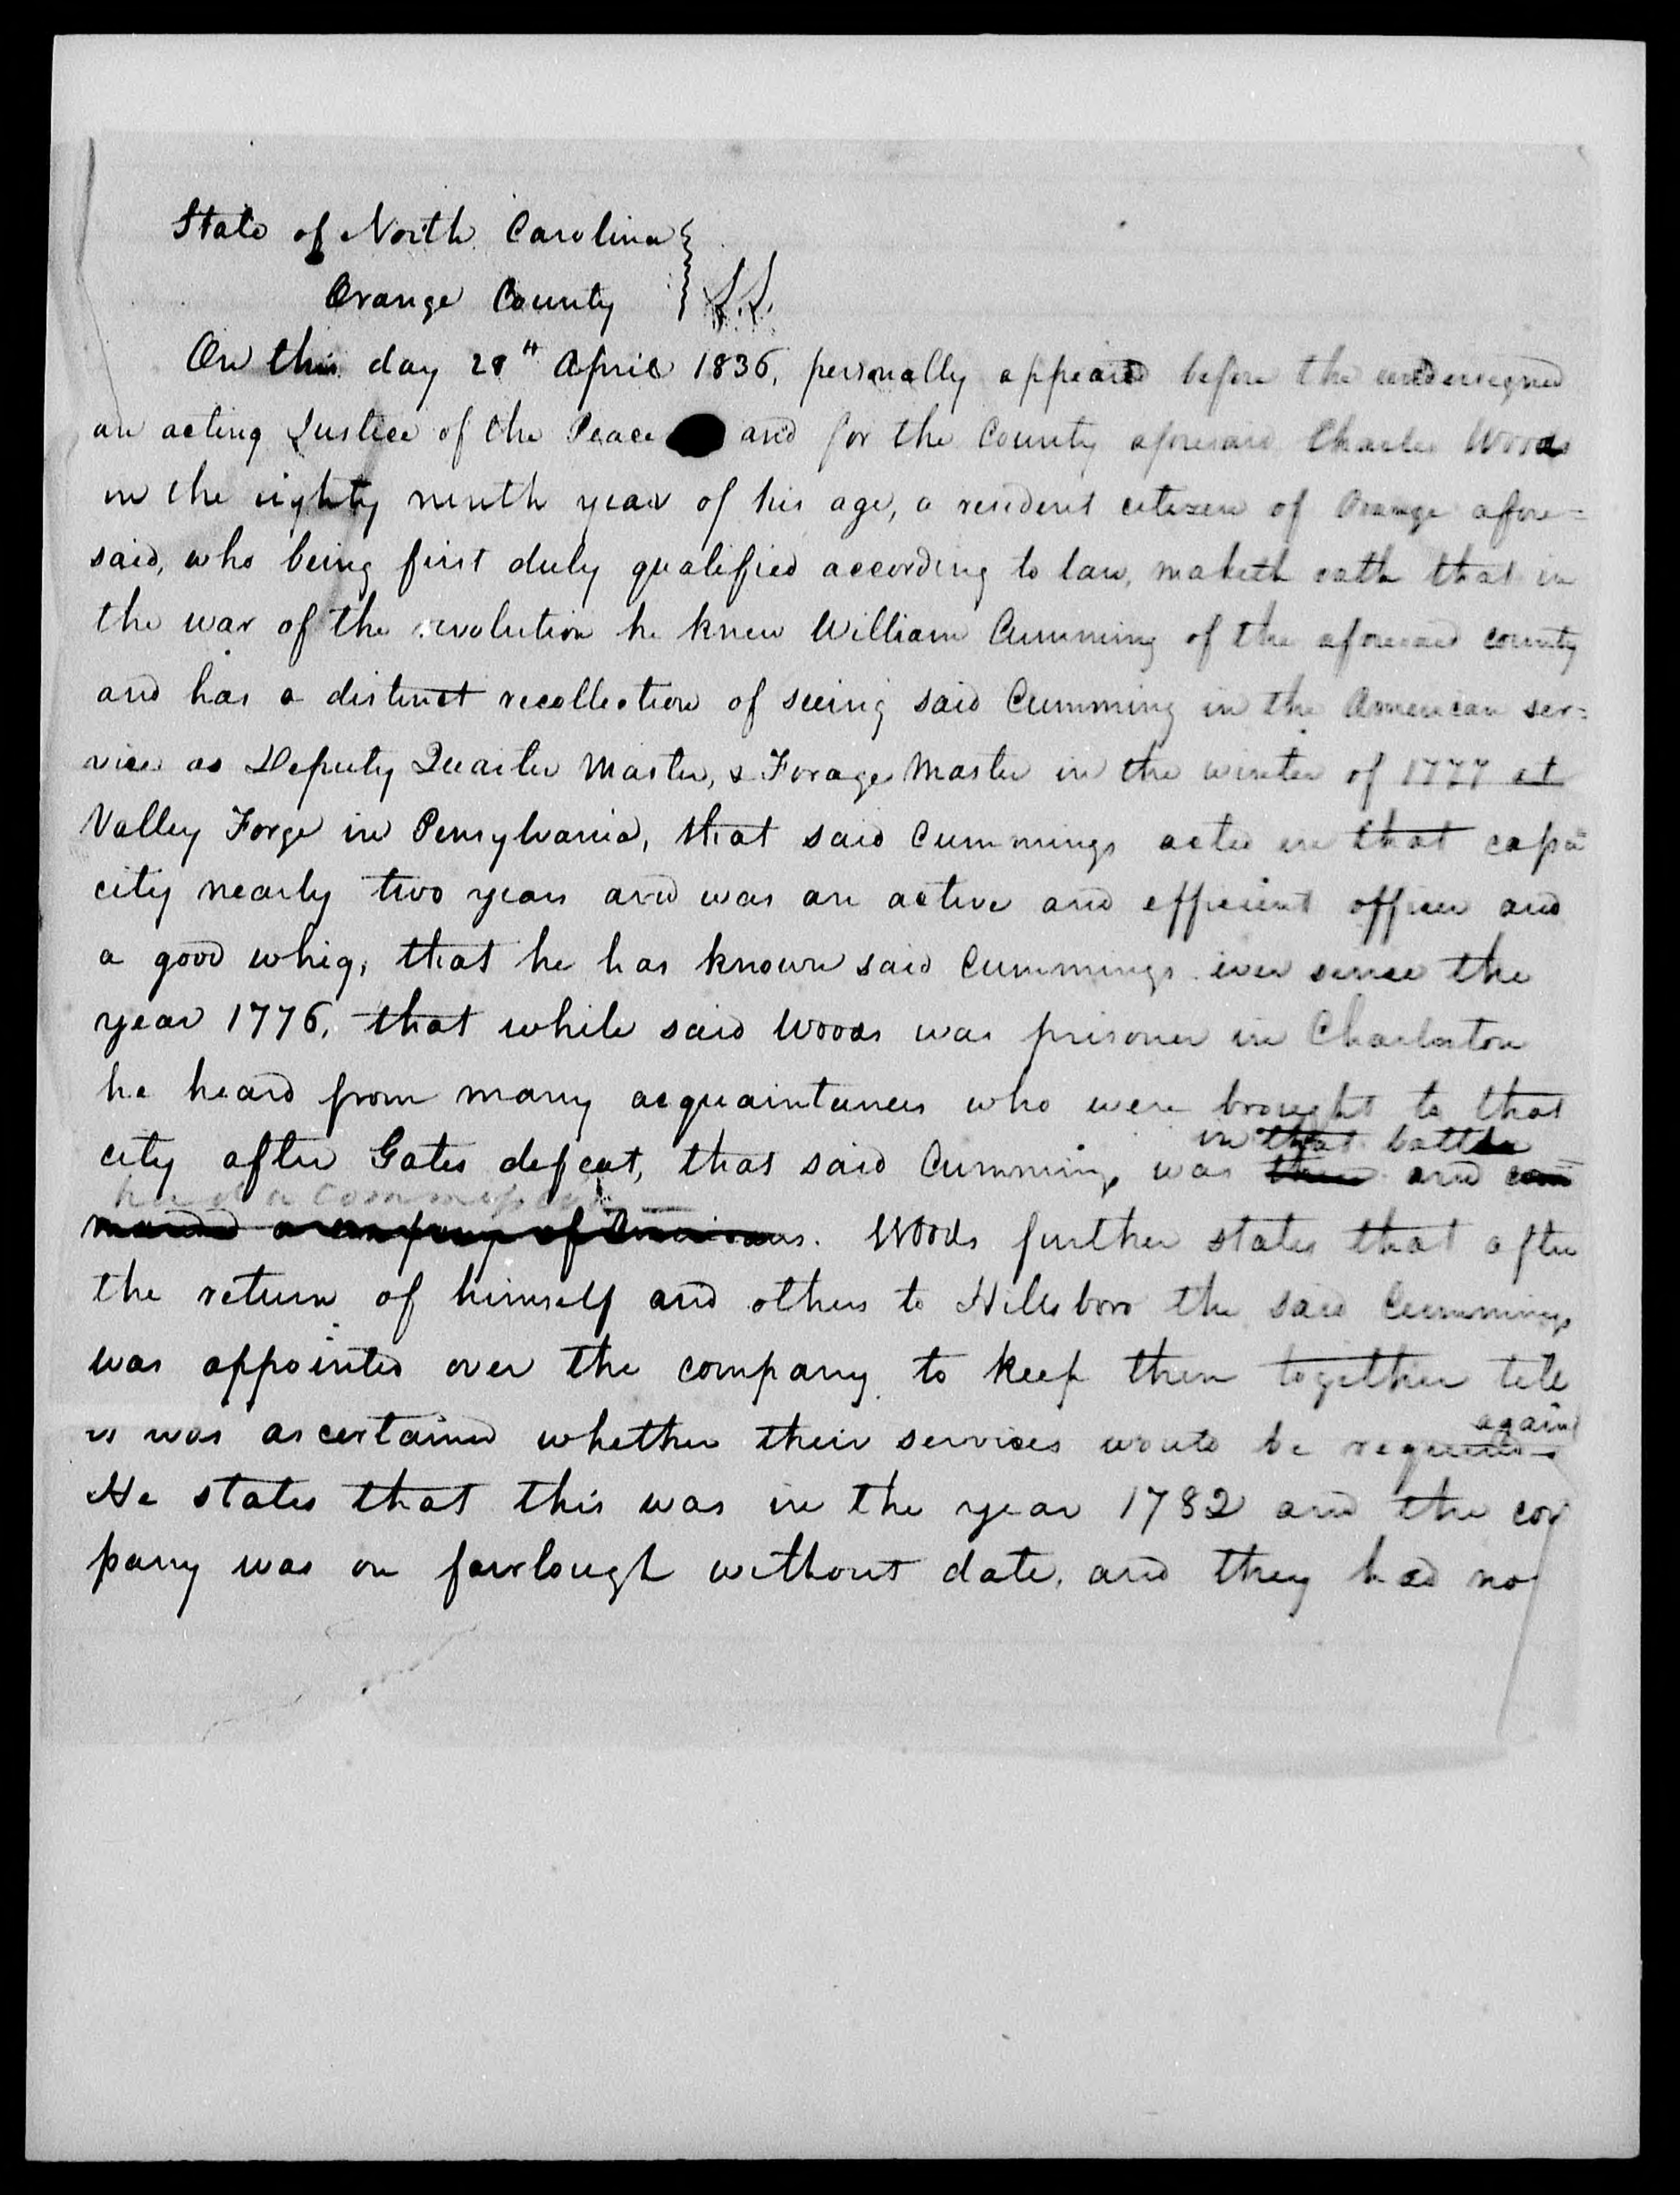[Handwritten record.  Occasional spacing has been included to make the long text block easier to read.]

State of North Carolina)
Orange County) S.S.

On this day 29th [or 28th] April 1836, personally appeard [or appeared] before the undersigned an acting Justice of the Peace [ink blot] and for the County aforesaid Charles Woods in the eighty ninth year of his age, a resident citizen of Orange aforesaid, who being first duly qualified according to law, maketh oath that in the war of the revolution he knew William Cumming of the aforesaid county and has a distinct recollection of seeing said Cumming in the American service [or services] as Deputy Quarter Master, and Forage Master in the winter of 1777 at Valley Forge in Pennsylvania, 

that said Cummings acted in that capacity nearly two years and was an active and efficient officer and a good whig, that he has known said Cummings iver sinse [ever since] the year 1776, that while said Woods was prisoner in Charleston he heard from many acquaintances who were brought to that city after Gates defeat, that said Cumming was ^in that battle ["there" is stricken through] and [here the following phrase was stricken through: "commanded a company of Americans" and the following phrase was written above in lighter ink or pencil:] had a Commissary - 

Woods further states that after the return of himself and others to Hillsboro the said Cummings was appointed over the company to keep them together till [? it] was ascertained whether their servises [or services] would be required ^ again [torn paper edge.]  He states that this was in the year 1782 and the [Near here is a torn paper edge, but the word is apparently:] company was on fourlough [furlough] without date, and they had no- [torn paper edge]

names: Cummings, William Cumming, Gates, Cummings, Cummings, Cummings, Cumming, Charles Wood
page: 81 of 145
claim: survivor's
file: S. 8265, William Cumming, N.C.